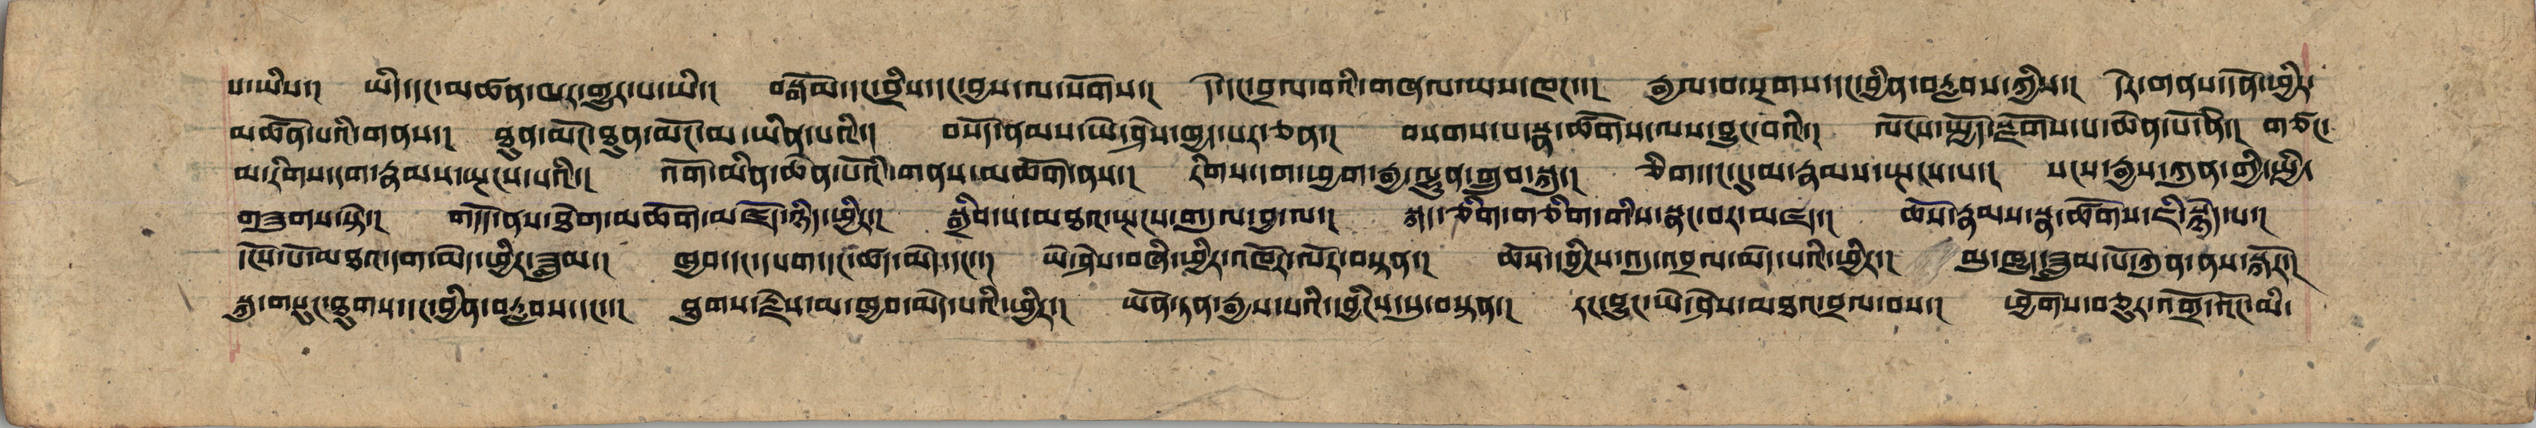པ་ཡིས་། ཡིད་དང་མཚན་མར་གྱུར་པ་ཡི་། བསྒོམ་དང་བྲིས་དང་བྱས་ལ་སོགས་། དེ་དང་བྲལ་བའི་གཞལ་ཡས་ཁང་་། རྒྱལ་བ་སྔགས་དང་བྱིན་བརླབས་ཀྱིས་། དེར་གནས་དོན་ཕྱིར་
མཚོན་པའི་གནས་། ཐུན་མོང་ཐུན་མོང་མ་ཡིན་པའི་། བསོད་ནམས་ཡེ་ཤེས་ཁྱད་པར་ཅན་། བསགས་པ་སྣ་ཚོགས་ལས་བྱུང་བའི་། ལོངས་སྤྱོད་སྫོགས་པ་ཆེན་པོ་ནི་། གཙང་
མ་རིགས་དག་རྣམས་སྤངས་པའི་། འོག་མིན་ཆེན་པོའི་གནས་མཆོག་ནས་། རིགས་དག་ཕྱག་རྒྱ་ལྷུན་གྲུབ་སྐུ་། ཅིག་དང་དུ་མ་རྣམས་སྤངས་པ་། སངས་རྒྱས་ཀུན་གྱི་སྤྱི་
གཟུགས་སྟེ་། གདོད་ནས་ཐེག་མཆོག་མཛོད་ཉིད་ཕྱིར་། སྒྲིབ་པ་མཐའ་སྤངས་གདུལ་བྱ་ལ་། སྐད་ཅིག་གཅིག་གིས་སྣང་བར་མཛད་། ཆོས་རྣམས་སྣ་ཚོགས་ཇི་སྙེད་པ་།
དངོས་པོ་མཐའ་དག་མེད་ཕྱིར་ཟླུམ་། ཁྱབ་དང་དཔག་དང་ཚད་མེད་དང་་། ཡེ་ཤེས་བཞི་ཕྱིར་འཁོར་ལོར་བསྟན་། ཆོས་དབྱིངས་འདུ་འབྲལ་མེད་པའི་ཕྱིར་། མུ་ཁྱུད་ཟླུམ་པོ་ཀུན་ནས་སྐོར་།
སྐུ་གསུང་ཐུགས་དང་བྱིན་བརླབས་དང་་། ཐུགས་རྗེས་མ་ཁྱབ་མེད་པའི་ཕྱིར་། ཡོན་ཏན་རྒྱས་པའི་དབྱིངས་སུ་བསྟན་། རང་བྱུང་ཡེ་ཤེས་མཐའ་བྲལ་བས་། ཕྱོགས་བཅུར་འགྲོ་འོང་མི་